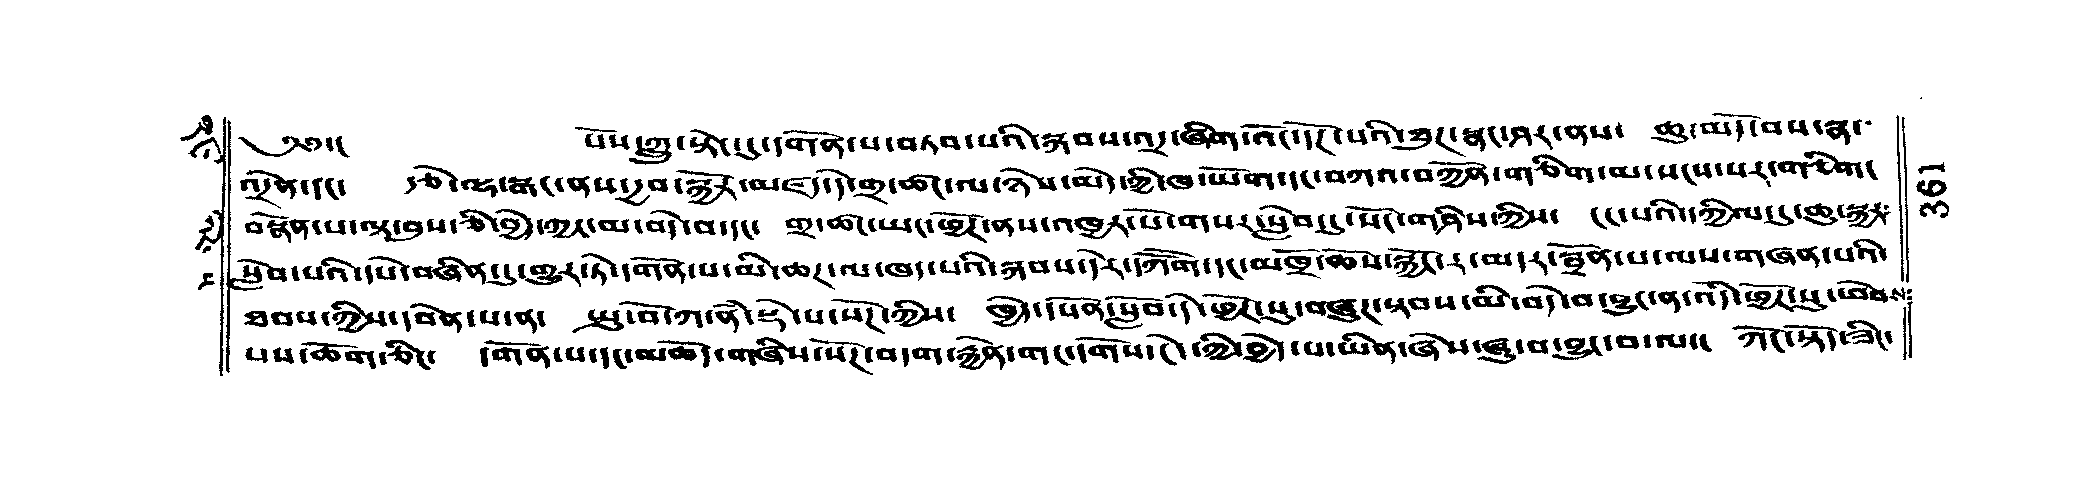པོས་ཀླུ་སྟེང་དུ་དགོན་པ་བཏབ་པའི་སྐབས་འདྲ་ཞིག་འོང་དོགས་པའི་ཐུགས་སྣང་ཤར་ནས། ཆུ་མདོ་བས་སྣ་
འདྲེན་དང་། རྩེ་ལྷ་སྒང་ནས་རྒྱབ་སྐྱོར་མཛད་དེ་གྲྭ་ཚང་ལ་ཉེས་མེད་ཀྱི་ཁ་ཡོག་དང་བཀའ་བཀྱོན་གཅིག་མ་སངས་པར་གཅིག 
བསྣོན་པ་ལྟ་བུས་ཅི་བྱེད་ཀྱང་མ་བདེ་བ་དང་། གྲྭ་ཚང་ཡང་ཕྱོགས་ནས་འཁྱར་པོ་གསར་སླེབ་དུ་སོང་གཤིས་ཀྱིས། ངང་པའི་དཀྱིལ་དུ་ཆུ་སྐྱར་
སླེབ་པའི་དཔེ་བཞིན་དུ་གྱུར་ཏེ་དགོན་པ་མི་ཆགས་ལ་ཁད་པའི་སྐབས་དེར་དཀོན་མཆོག་དང་མཁའ་འགྲོ་ཆོས་སྐྱོང་ར་མདར་སྦྲན་པ་ལས་གཞན་པའི་
ཐབས་ཀྱིས་དབེན་པ་ན། སྤུ་བོ་ཀ་གནམ་སྡེ་པ་སོགས་ཀྱིས། ཁྱེད་དཔོན་སློབ་དེ་ཕྱོགས་སུ་བཞུགས་སྟབས་མི་བདེ་བ་བྱུང་ན་འདི་ཕྱོགས་སུ་ཕེབས་
པས་ཆོག་ཅིང་། དགོན་པ་དང་མཆོད་གཞིས་སོགས་བདག་རྐྱེན་གང་དགོས་ངེད་ཀྱི་བྱེད་པ་ཡིན་ཞེས་ཞུ་བ་བྱུང་བ་ལ། ཀོང་སྟོད་ཟིང་